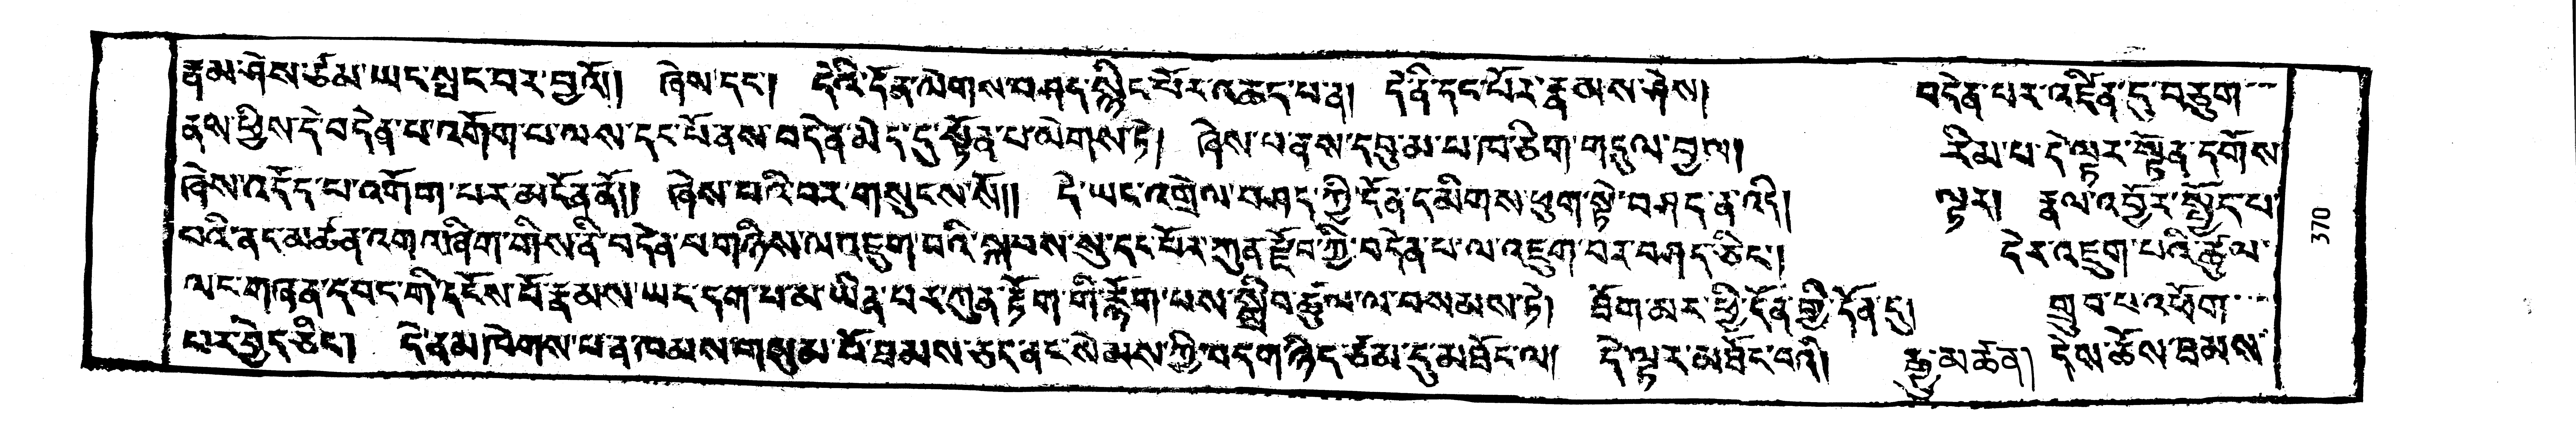རྣམ་ཤེས་ཙམ་ཡང་སྤང་བར་བྱའོ། །ཞེས་དང་། དེའི་དོན་ལེགས་བཤད་སྙིང་པོར་འཆད་པ་ན། དེ་ནི་དང་པོར་རྣམས་ཤེས། བདེན་པར་འཛིན་དུ་བཅུག་
ནས་ཕྱིས་དེ་བདེན་པ་འགོག་པ་ལས་དང་པོ་ནས་བདེན་མེད་དུ་སྟོན་པ་ལེགས་ཏེ། ཞེས་པ་ནས་དབུ་མ་པ་ཁ་ཅིག་གདུལ་བྱ་ལ། རིམ་པ་དེ་ལྟར་སྟོན་དགོས་
ཞེས་འདོད་པ་འགོག་པར་མངོན་ནོ། །ཞེས་པའི་བར་གསུངས་སོ། །དེ་ཡང་འགྲེལ་བཤད་ཀྱི་དོན་དམིགས་ཕུག་སྟེ་བཤད་ན་འདི། ལྟར། རྣལ་འབྱོར་སྤྱོད་པ་
པའི་ནང་མཚན་འགའ་ཞིག་གིས་ནི་བདེན་པ་གཉིས་ལ་འཇུག་པའི་སྐབས་སུ་དང་པོར་ཀུན་རྫོབ་ཀྱི་བདེན་པ་ལ་འཇུག་པར་བཤད་ཅིང་། དེར་འཇུག་པའི་ཚུལ་
ལང་གཞན་དབང་གི་དངོས་པོ་རྣམས་ཡང་དག་པ་མ་ཡིན་པར་ཀུན་རྟོག་གི་རྙོག་པས་སྒྲིབ་ཚུལ་ལ་བསམས་ཏེ། ཐོག་མར་ཕྱི་དོན་གྱི་དོན་དུ། གྲུབ་པ་འཕོག་
པར་བྱེད་ཅིང་། དེ་ནམ་ཁེགས་པ་ན་ཁམས་གསུམ་པོ་ཐམས་ཅད་ནང་སེམས་ཀྱི་བདག་ཉིད་ཙམ་དུ་མཐོང་ལ། དེ་ལྟར་མཐོང་བའི། རྒྱུ་མཚན། དེས་ཆོས་ཐམས་